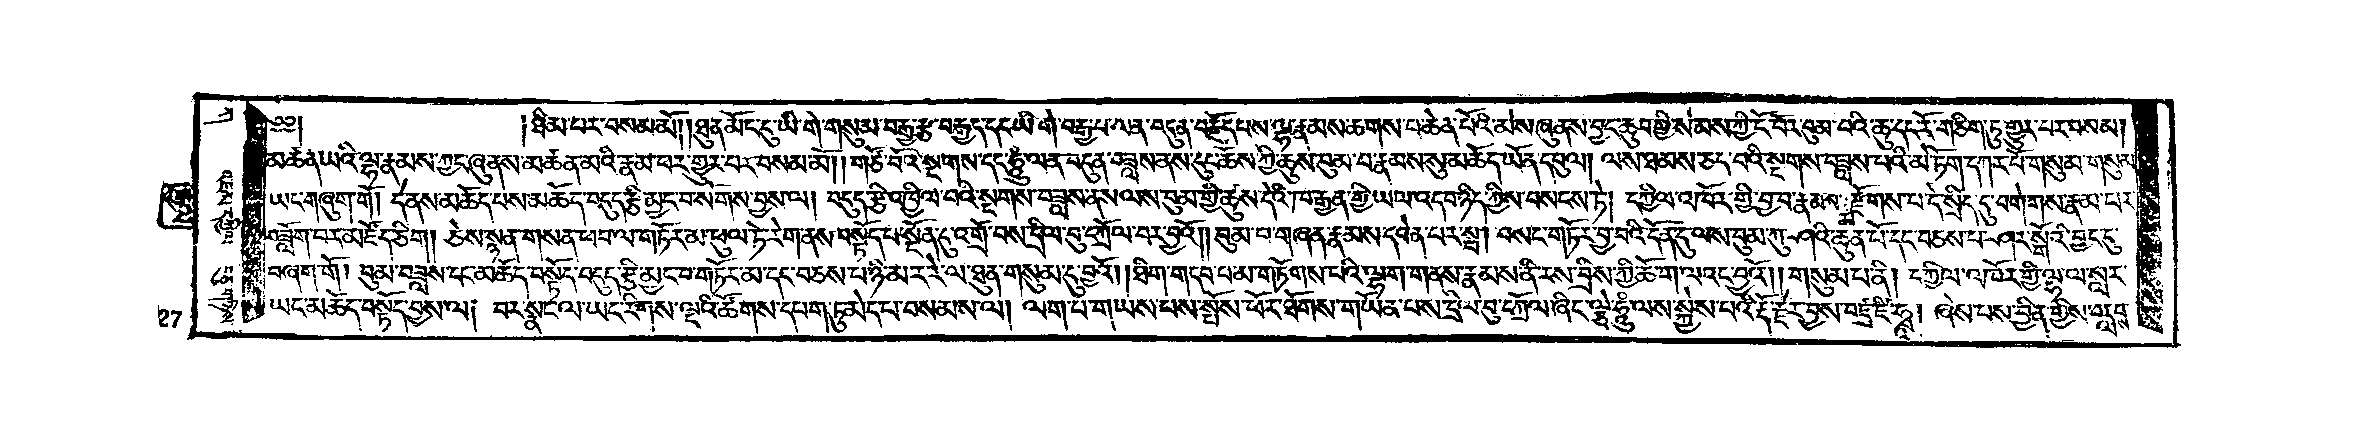༄༅། །ཐིམ་པར་བསམ་མོ། །ཐུན་མོང་དུ་ཡི་གེ་གསུམ་བརྒྱ་རྩ་བརྒྱད་དང་ཡི་གེ་བརྒྱ་པ་ལན་བདུན་བརྗོད་པས་ལྷ་རྣམས་ཆགས་པ་ཆེན་པོའི་མེས་ཞུ་ནས་བྱང་ཆུབ་ཀྱི་སེམས་ཀྱི་ངོ་བོར་བུམ་པའི་ཆུ་དང་རོ་གཅིག་ཏུ་གྱུར་པར་བསམ།
མཚན་ཡའི་ལྷ་རྣམས་ཀྱང་ཞུ་ནས་མཚན་མའི་རྣམ་པར་གྱུར་པར་བསམ་མོ། །གཙོ་བོའི་སྔགས་དང་ཧཱུཾ་ལན་བདུན་བཟླས་ནས་དུང་ཆོས་ཀྱི་ཆུས་བུམ་པ་རྣམས་སུ་མཆོད་ཡོན་དབུལ། ལས་ཐམས་ཅད་པའི་སྔགས་བཟླས་པའི་མེ་ཏོག་དཀར་པོ་གསུམ་གསུམ་
ཡང་གཞུག་གོ། དེ་ནས་མཆོད་པས་མཆོད་བདུད་རྩི་མྱང་བ་སོགས་བྱས་ལ། བདུད་རྩི་འཁྱིལ་བའི་སྔགས་བཟླས་ནས་ལས་བུམ་གྱི་ཚུས་དེའི་ཁ་རྒྱན་གྱི་ཡལ་འདབ་ཉིད་ཀྱིས་བསངས་ཏེ། དཀྱིལ་འཁོར་གྱི་བྱ་བ་རྣམས་མ་རྫོགས་པ་དེ་སྲིད་དུ་བགེགས་རྣམ་པར་
བཟློག་པར་མཛོད་ཅིག །ཅེས་སྙན་གསན་ཕབ་ལ་གཏོར་མ་ཕུལ་ཏེ་རེ་གནས་བསྟོད་པ་སྔོན་དུ་འགྲོ་བས་དྲིལ་བུ་དཀྲོལ་བར་བྱའོ། །བུམ་པ་གཞན་རྣམས་དབེན་པར་སྦ། བསང་གཏོར་བྱ་བའི་དོན་དུ་ལས་བུམ་ཀུ་ཤའི་ཆུན་པོ་དང་བཅས་པ་ཤར་སྒོའི་བྱང་དུ་
བཞག་གོ །བུམ་བཟླས་དང་མཆོད་བསྟོད་བདུད་རྩི་མྱང་བ་གཏོར་མ་དང་བཅས་པ་ཉི་མར་རེ་ལ་ཐུན་གསུམ་དུ་བྱའོ། །ཐིག་གདབ་པ་མ་གཏོགས་པའི་ལྷག་གནས་རྣམས་ནི་རས་བྲིས་ཀྱི་ཆོ་ག་ལའང་བྱའོ། །གསུམ་པ་ནི། དཀྱིལ་འཁོར་གྱི་ལྷ་ལ་སླར་
ཡང་མཆོད་བསྟོད་བྱས་ལ། བར་སྣང་ལ་ཡང་རིགས་ལྔའི་ཚོགས་དཔག་ཏུ་མེད་པ་བསམས་ལ། ལག་པ་གཡས་པས་སྤོས་ཕོར་ཐོགས་གཡོན་པས་དྲིལ་བུ་དཀྲོལ་ཞིང་ལྕེ་ཧཱུཾ་ལས་སྐྱེས་པའི་རྡོ་རྗེར་བྱས་བྫྲ་ཛི་ཧྭཱ། ཞེས་པས་བྱིན་གྱིས་བརླབས་